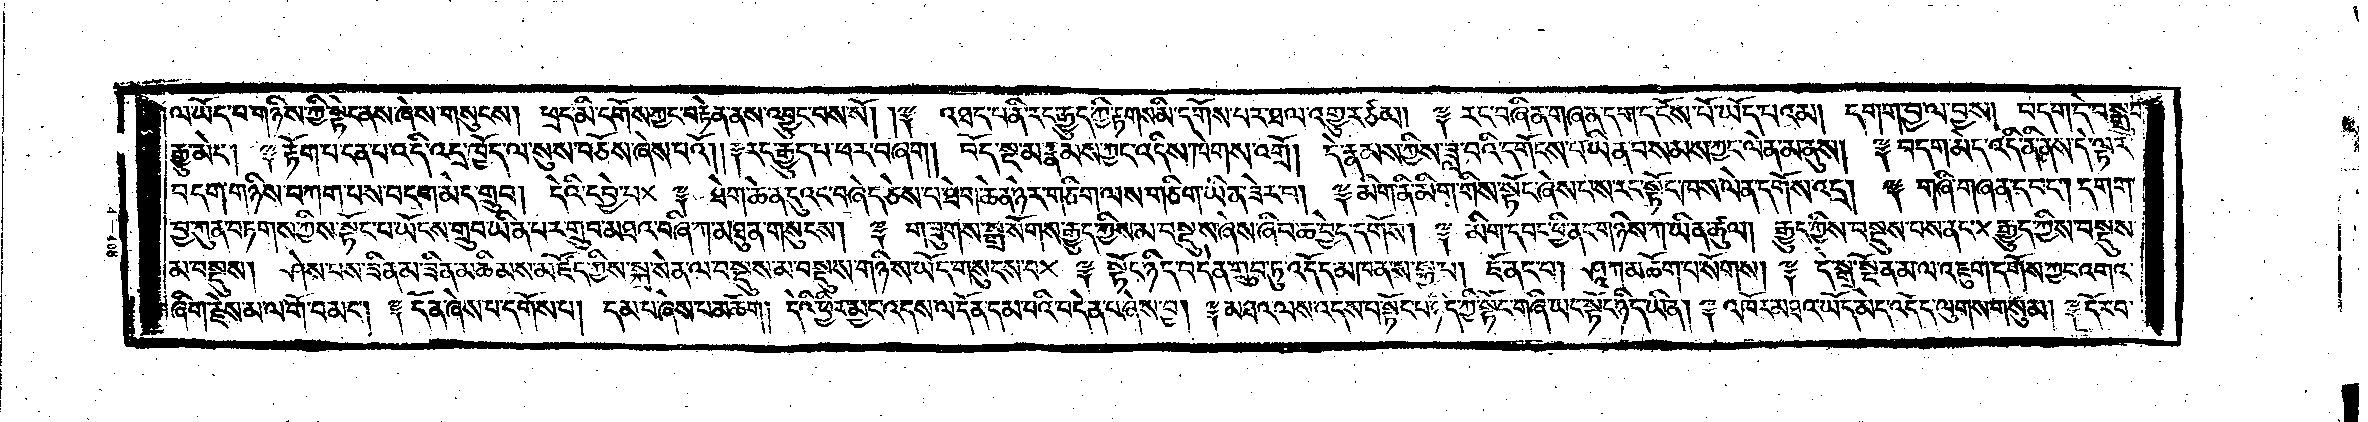ལ་ཡོད་པ་གཉིས་ཀྱི་སྟེང་ནས་ཞེས་གསུངས། ཕྲད་མི་དགོས་ཀྱང་བརྟེན་ནས་འབྱུང་བས་སོ། །༈ འཐད་པ་ནི་རང་རྒྱུད་ཀྱི་རྟགས་མི་དགོས་པར་ཐལ་འགྱུར་ཙམ། ༈ རང་བཞིན་གཞན་དག་དངོས་པོ་ཡོད་པའམ། དགག་བྱ་ལ་བྱས། བདག་དེ་བསྒྲུབ་
རྒྱུ་མེད། ༈ རྟོག་པ་ངན་པ་འདི་འདྲ་ཁྱོད་ལ་སུས་བཅོས་ཞེས་པའོ། །༈ རང་རྒྱུད་པ་ཕར་བཞག། བོད་སྔ་མ་རྣམས་ཀྱང་འདིས་ཁེགས་འགྲོ། དེ་རྣམས་ཀྱིས་ཟླ་བའི་དགོངས་པ་ཡིན་བསམས་ཀྱང་ལེན་མ་ནུས། ༈ བདག་མེད་འདི་ནི་ནས་དེ་ལྟར་
བདག་གཉིས་བཀག་པས་བདག་མེད་གྲུབ། དེའི་དབྱེ་པ་྾་༈ ཐེག་ཆེན་དུའང་བཞེད་ཅེས་པ་ཐེག་ཆེན་ཉེར་གཅིག་ལས་གཅིག་ཡིན་ཟེར་བ། ༈ མིག་ནི་མིག་གིས་སྟོང་ཞེས་པས་རང་སྟོང་ཁས་ལེན་དགོས་འདྲ། ༈ གཞི་གཞན་དབང་། དགག་
བྱ་ཀུན་བཏགས་ཀྱིས་སྟོང་པ་ཡོངས་གྲུབ་ཡིན་པར་གྲུབ་མཐའ་བཞི་ཀ་མཐུན་གསུངས། ༈ གཟུགས་སྒྲ་སོགས་རྒྱུད་ཀྱིས་མ་བསྡུས་ཞེས་ཞིབ་ཆ་བྱེད་དགོས། ༈ མིག་དབང་ཕྱི་ནང་གཉིས་ཀ་ཡིན་ཚུལ། རྒྱུད་ཀྱིས་བསྡུས་པས་ནང་྾་རྒྱུད་ཀྱིས་བསྡུས་
མ་བསྡུས། ཤེས་པས་ཟིན་མ་ཟིན་མཆིམས་མཛོད་ཀྱིས་སྐྲ་སེན་ལ་བསྡུས་མ་བསྡུས་གཉིས་ཡོད་གསུངས་བ་྾་༈ སྟོང་ཉིད་བདེན་གྲུབ་ཏུ་འདོད་མཁན་ས་སྐྱ་པ། ཇོ་ནང་བ། ཤཱཀ་མཆོག་པ་སོགས། ༈ དེ་སྒྲ་སྔོན་མ་ལ་འཇུག་དགོས་ཀྱང་འགའ་
ཞིག་རྗེས་མ་ལ་གོ་མང་། ༈ དོན་ཞེས་པ་དགོས་པ། དམ་པ་ཞེས་པ་མཆོག། དེའི་ཕྱིར་མྱང་འདས་ལ་དོན་དམ་པའི་བདེན་པ་ཞེས་བྱ། ༈ མཐའ་ལས་འདས་པ་སྟོང་པ་ཉིད་ཀྱི་སྟོང་གཞི་ཡང་སྟོང་ཉིད་ཡིན། ༈ འཁོར་མཐའ་ཡོད་མེད་འདོད་ལུགས་གསུམ། ༈ དོར་བ་